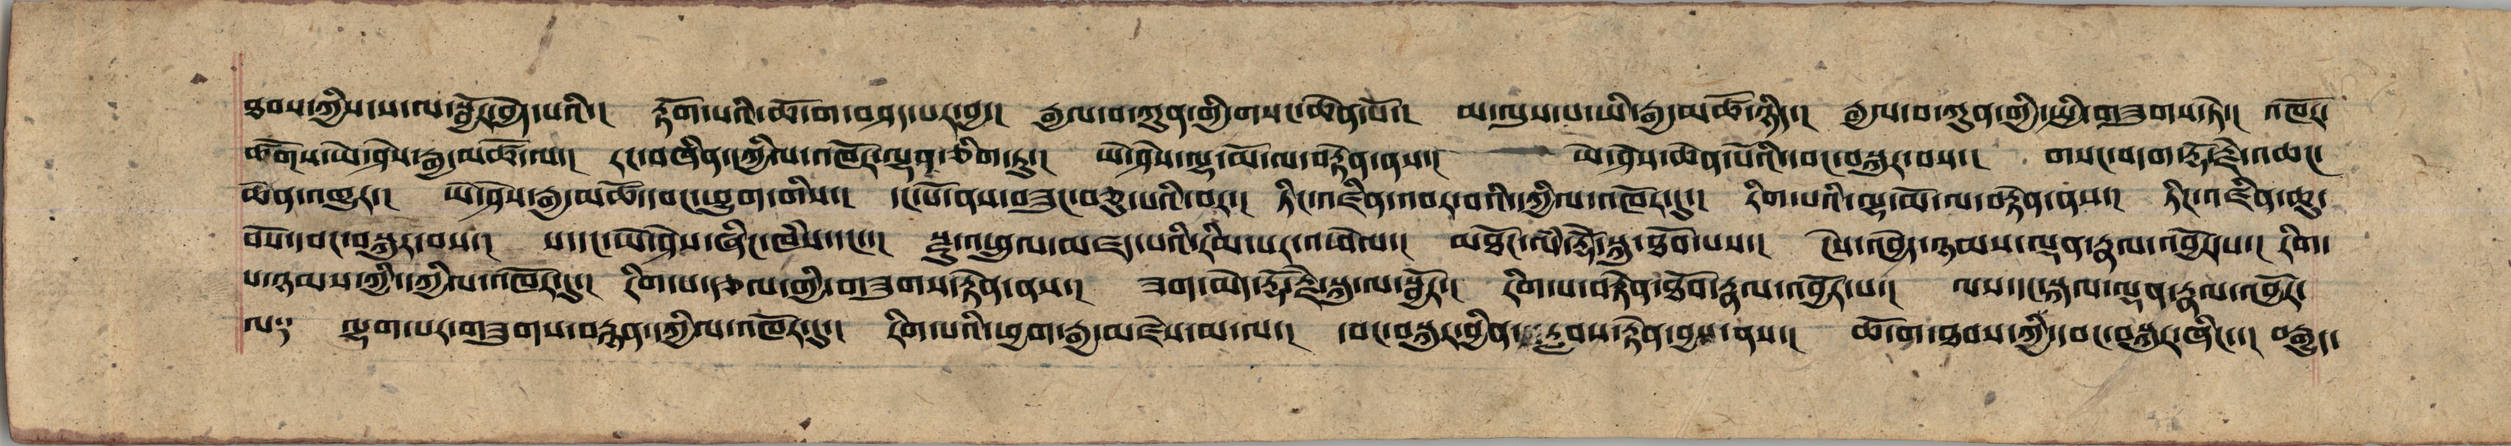ཐབས་ཀྱིས་ས་ལ་སྦྱོར་བྱེད་པའི་། རྟོག་པའི་ཆོ་ག་བཤད་པར་བྱ་། རྒྱལ་བ་ཀུན་གྱི་གསང་ཆེན་པོ་། མ་ལུས་པ་ཡི་རྒྱ་མཚོ་ཉིད་། རྒྱལ་བ་ཀུན་གྱི་སྤྱི་གཟུགས་ཏེ་། འཁོར་
ཚོགས་ཡེ་ཤེས་རྒྱ་མཚོ་ལ་། རང་བཞིན་དཀྱིལ་འཁོར་ལྷན་ཅིག་ཏུ་། ཡེ་ཤེས་ལྷ་མོ་ལ་བརྟེན་ནས་། ཡེ་ཤེས་ཆེན་པོའི་དབང་བསྐུར་བས་། གསང་བདག་རྡོ་རྗེ་འཆང་
ཆེན་འགྱུར་། ཡེ་ཤེས་རྒྱ་མཚོ་དབང་ཕྱུག་གིས་། དང་པོ་ནས་བཟུང་བཅུ་པའི་བར་། ཏིང་འཛིན་འབར་བའི་དཀྱིལ་འཁོར་དུ་། རིག་པའི་ལྷ་མོ་ལ་བརྟེན་ནས་། ཏིང་འཛིན་ཆུ་
བོས་དབང་བསྐུར་བས་། ས་དང་ཡེ་ཤེས་ཞིང་ཁཾས་དང་་། སྫུ་འཕྲུལ་མཛད་པའི་རིམ་པར་འཕེལ་། མཐོང་ལཾ་རྡོེ་སྐུ་ཐོབ་པས་། ངེས་འབྱེད་ཉམས་ལྡན་རྣལ་འབྱོར་པ་། རིག་
པ་ཉམས་ཀྱི་དཀྱིལ་འཁོར་དུ་། རིག་པ་རྩལ་གྱི་གཟུགས་རྟེན་ནས་། ཟག་མེད་རྡོ་རྗེ་སྐུ་ལ་སྦྱོར་། རིག་པ་བརྟེན་ཐོབ་རྣལ་འབྱོར་པ་། ལས་དང་སྐལ་ལྡན་རྣལ་འབྱོར་
ལ༑ ལྷག་པར་གཟུགས་བརྙན་དཀྱིལ་འཁོར་དུ་། རིག་པའི་ཕྱག་རྒྱ་མཛེས་མ་ལ་། དབང་བསྐུར་བྱིན་རླབས་རྟེན་བྱས་ནས་། ཆོ་ག་ཐབས་ཀྱི་དབང་བསྐུར་ཞིང་་། བརྒྱུད་